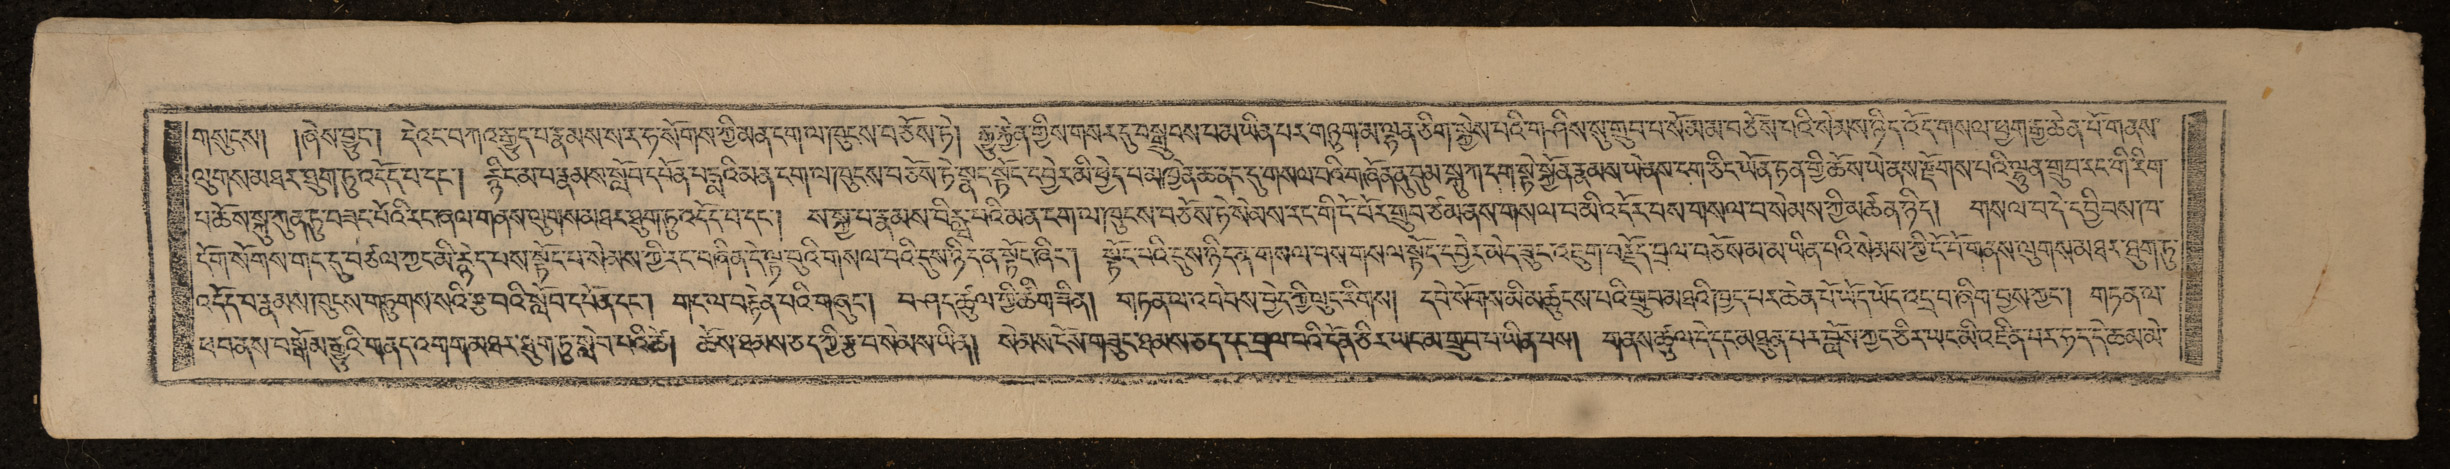གསུངས། །ཞེས་བྱུང་། དེའང་བཀའ་རྒྱུད་པ་རྣམས་སར་ཧ་སོགས་ཀྱི་མན་ངག་ལ་ཁུངས་བཅོས་ཏེ། རྒྱུ་རྐྱེན་གྱིས་གསར་དུ་བསྒྲུབས་པ་མ་ཡིན་པར་གཉུག་མ་ལྷན་ཅིག་སྐྱེས་བའི་གཤིན་སུ་གྲུབ་པ་སོམ་མ་བཅོས་བའི་སེམས་ཉིད་འོད་གསལ་ཕྱག་རྒྱ་ཆེན་པོ་གནས་
ལུགས་མཐར་ཐུག་ཏུ་འདོད་པ་དང་། རྙིང་མ་པ་རྣམས་སློབ་དཔོན་པདམའི་མན་ངག་ལ་ཁུངས་བཅོས་ཏེ་སྣང་སྟོང་དབྱེར་མི་ཕྱེད་པ་མཁྱེན་ཆ་ནང་དུ་གསལ་བའི་གཞོན་ནུ་བུམ་སྐུ་ཀ་དག་སྟེ་སྐྱོན་རྣམས་ཡེ་ནས་དག་ཅིང་ཡོན་ཏན་གྱི་ཆོས་ཡེ་ནས་རྫོགས་བའི་ལྷུན་གྲུབ་རང་གི་རིག་
བ་ཆོས་སྐུ་ཀུན་ཏུ་བཟང་བོའི་རང་ཞལ་གནས་ལུགས་མཐར་ཐུག་ཏུ་འདོད་པ་དང་། ས་སྐྱ་བ་རྣམས་བིརྭ་པའི་མན་ངག་ལ་ཁུངས་བཅོས་ཏེ་སེམས་རང་གི་འོ་བོར་གྲུབ་ཙམ་ནས་གསལ་བ་མི་འདོར་བས་གསལ་བ་སེམས་ཀྱི་མཚན་ཉིད། གསལ་བ་དེ་དབྱིབས་ཁ་
དོག་སོགས་གང་དུ་བཙལ་ཀྱང་མི་རྙེད་པས་སྟོང་པ་སེམས་ཀྱི་རང་བཞིན་དེ་ལྟ་བུའི་གསལ་བའི་དུས་ཉིད་ན་སྟོང་ཞིང་། སྟོང་བའི་དུས་ཉིད་ན་གསལ་བས་གསལ་སྟོང་དབྱེར་མེད་ཟུང་འཇུག་བརྗོད་བྲལ་བཅོས་མ་མ་ཡིན་པའི་སེམས་ཀྱི་ངོ་བོ་གནས་ལུགས་མཐར་ཐུག་ཏུ་
འདོད་བ་རྣམས་ཁུངས་གཏུགས་སའི་རྩ་བའི་སློབ་དཔོན་དང་། གང་ལ་བརྟེན་པའི་གཞུང་། བཤད་ཚུལ་གྱི་ཚིག་ཟིན། གཏན་ལ་འབེབས་བྱེད་ཀྱི་ལུང་རིགས། དཔེ་སོགས་མི་མཚུངས་པའི་གྲུབ་མཐའི་ཁྱད་པར་ཆེན་པོ་ཡོད་ཡོད་འདྲ་བ་ཞིག་བྱས་ཀྱང་། གཏན་ལ་
ཕབ་ནས་བསྒོམ་རྒྱུའི་གནད་འགག་མཐར་ཐུག་ཏུ་སླེབ་པའི་ཚེ། ཆོས་ཐམས་ཅད་ཀྱི་རྩ་བ་སེམས་ཡིན། སེམས་ངོས་གཟུང་ཐམས་ཅད་དང་བྲལ་བའི་དོན་ཅིར་ཡང་མ་གྲུབ་པ་ཡིན་པས། གནས་ཚུལ་དེ་དང་མཐུན་པར་བློས་ཀྱང་ཅིར་ཡང་མི་འཛིན་བར་ཧ་དེད་ཆམ་མེ་